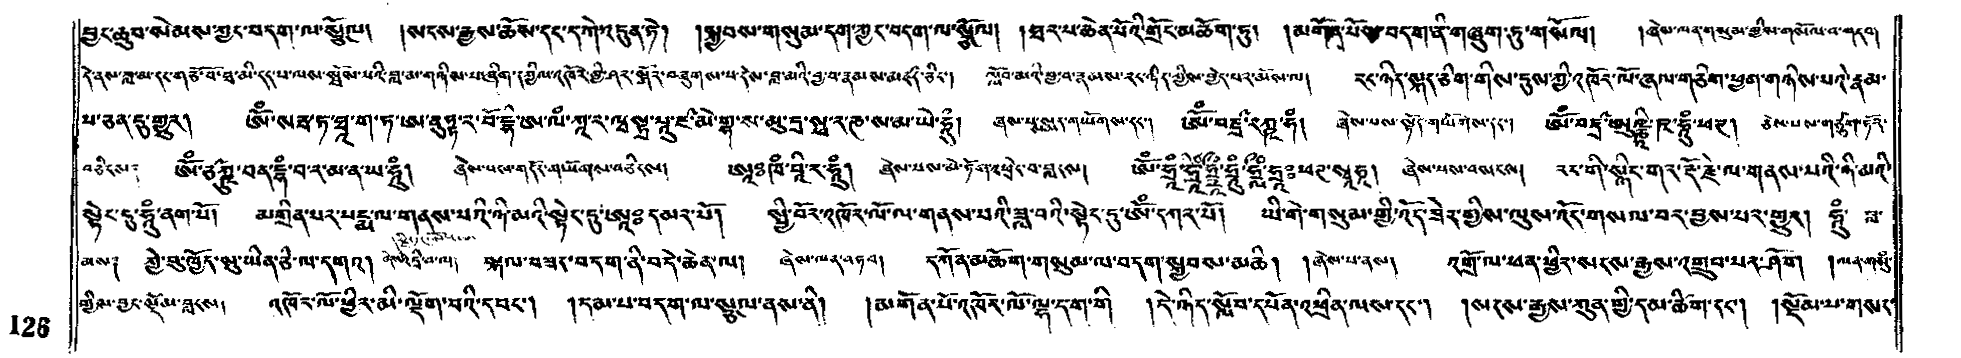བྱང་ཆུབ་སེམས་ཀྱང་བདག་ལ་སྩོལ། །སངས་རྒྱས་ཆོས་དང་དགེ་འདུན་ཏེ། །སྐྱབས་གསུམ་དག་ཀྱང་བདག་ལ་སྩོལ། །ཐར་པ་ཆེན་པོའི་གྲོང་མཆོག་ཏུ། །མགོན་པོས་བདག་ནི་གཞུག་ཏུ་གསོལ། །ཞེས་ལན་གསུམ་གྱིས་གསོལ་བ་གདབ།
དེ་ནས་བླ་མ་དང་གཙོ་བོ་ཐ་མི་དད་པ་ལས་སྤྲོས་པའི་བླ་མ་གཉིས་པ་ཞིག་དཀྱིལ་འཁོར་གྱི་ཤར་སྒོར་བཞུགས་པ་དེས་བླ་མའི་བྱ་བ་རྣམས་མཛད་ཅིང་། སློབ་མའི་བྱ་བ་རྣམས་རང་ཉིད་ཀྱིས་བྱེད་པར་མོས་ལ། རང་ཉིད་སྐད་ཅིག་གིས་དུས་ཀྱི་འཁོར་ལོ་ཞལ་གཅིག་ཕྱག་གཉིས་པའི་རྣམ་
པ་ཅན་དུ་གྱུར། ཨོཾ་སརྦ་ཏ་ཐཱ་ག་ཏ་ཨ་ནུཏྟ་ར་བོ་དྷི་ཨ་ལཾ་ཀཱ་ར་ཝསྟྲ་པཱུ་ཛ་མེ་གྷ་ས་མུ་དྲ་སྥ་ར་ཎ་ས་མ་ཡེ་ཧཱུཾ། ཞས་པས་སྨར་གཡོགས་དང་།  ཨོཾ་བཛྲ་རཀྵ་ཧཾ། ཞེས་པས་སྟོད་གཡོགས་དང་།  ཨོཾ་བཛྲ་ཨུཥྞཱི་ཥ་ཧཱུཾ་ཕཏ། ཅེས་པས་གཙུག་ཏོར་
བཅིངས༑ ཨོཾ་ཙཀྵུ་བན་དྷཾ་བ་ར་མ་ན་ཡ་ཧཱུཾ། ཞེས་པས་གདོང་གཡོགས་བཅིངས།  ཨཱཿ ཁཾ་བཱི་ར་ཧཱུཾ། ཞེས་པས་མེ་ཏོག་འཕྲེང་བ་བླངས།  ཨོཾ་ཧྲཱཾ་ཧྲཱིཾ་ཧྲཱྀཾ་ཧྲཱུཾ་ཧྲླྀཾ་ཧྲཱཿ ཕཊ་སྭཱཧཱ། ཞེས་པས་བསངས།  རང་གི་སྙིང་གར་རྡོ་རྗེ་ལ་གནས་པའི་ཉི་མའི་
སྟེང་དུ་ཧཱུཾ་ནག་པོ། མགྲིན་པར་པདམ་ལ་གནས་པའི་ཉི་མའི་སྟེང་དུ་ཨཱཿ དམར་པོ། སྤྱི་བོར་འཁོར་ལོ་ལ་གནས་པའི་ཟླ་བའི་སྟེང་དུ་ཨོཾ་དཀར་པོ། ཡི་གེ་གསུམ་གྱི་འོད་ཟེར་གྱིས་ལུས་འོད་གསལ་བར་བྱས་པར་གྱུར། ཧཱུཾ་བླ་
མས༑ ཀྱེ་བུ་ཁྱོད་སུ་ཡིན་ཅི་ལ་དགའ། ཞེས་སྔོ་དང་མོས་པ་འདྲི་བ་ལ།  སྐལ་བཟང་བདག་ནི་བདེ་ཆེན་ལ། ཞེས་ལན་བཏབ།  དཀོན་མཆོག་གསུམ་ལ་བདག་སྐྱབས་མཆི། །ཞེས་པ་ནས།  འགྲོ་ལ་ཕན་ཕྱིར་སངས་རྒྱས་འགྲུབ་པར་ཤོག །ལན་གསུཾ་
གྱིས་བྱང་སྡོམ་བླངས་འཁོར་ལོ་ཕྱིར་མི་ལྡོག་བའི་དབང་། །དམ་པ་བདག་ལ་སྩལ་ནས་ནི། །མགོན་པོ་འཁོར་ལོ་ལྷ་དག་གི །དེ་ཉིད་སློབ་དཔོན་འཕྲིན་ལས་དང་། །སངས་རྒྱས་ཀུན་གྱི་དམ་ཚིག་དང་། །སྡོམ་པ་གསང་